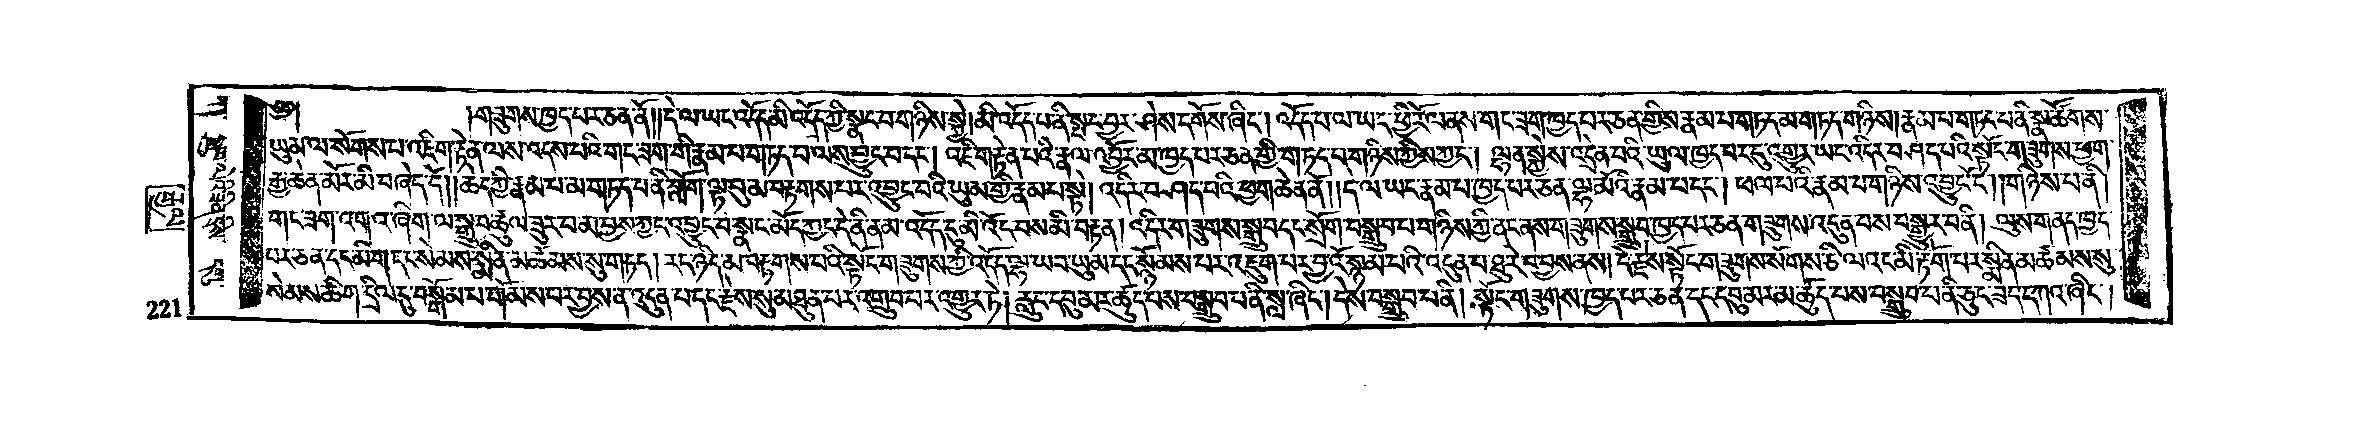༄༅། །གཟུགས་ཁྱད་པར་ཅན་ནོ། །དེ་ལ་ཡང་འདོད་མི་འདོད་ཀྱི་སྣང་བ་གཉིས་སྐྱེ། མི་འདོད་པ་ནི་སྤང་བྱར་ཤེས་དགོས་ཞིང་། འདོད་པ་ལ་ཡང་ཕྱི་རོལ་ནས་གང་ཟག་ཁྱད་པར་ཅན་གྱིས་རྣམ་པ་གཏང་མ་གཏད་གཉིས། རྣམ་པ་གཏང་པ་ནི་སྣ་ཚོགས་
ཡུམ་ལ་སོགས་པ་འཇིག་རྟེན་ལས་འདས་པའི་གང་ཟག་གི་རྣམ་པ་གཏད་པ་ལས་བྱུང་བ་དང་། འཇིག་རྟེན་པའི་རྣལ་འབྱོར་མ་ཁྱད་པར་ཅན་གྱི་གཏད་པ་གཉིས་ཀྱིས་ཀྱང་། ལྷན་སྐྱེས་འདྲེན་པའི་ཡུལ་ཁྱད་པར་དུ་འགྱུར་ཡང་འདིར་བཤད་པའི་སྟོང་གཟུགས་ཕྱག་
རྒྱ་ཆེན་མོར་མི་བཞེད་དོ། །ཆེད་ཀྱི་རྣམ་པ་མ་གཏད་པ་ནི་གློག་ལྟ་བུ་མ་བརྟགས་པར་འབྱུང་བའི་ཡུམ་གྱི་རྣམ་པ་སྟེ། འདིར་བཤད་པའི་ཕྱག་ཆེན་ནོ། །དེ་ལ་ཡང་རྣམ་པ་ཁྱད་པར་ཅན་ལྷ་མོའི་རྣམ་པ་དང་། ཕལ་བའི་རྣམ་པ་གཉིས་འབྱུང་ངོ། །གཉིས་པ་ནི།
གང་ཟག་འགའ་ཞིག་ལ་སྒྲུབ་ཚུལ་ཟུར་བ་མ་བྱས་ཀྱང་འབྱུང་བ་སྣང་མོད་ཀྱང་དེ་ནི་ནམ་འདོད་དུ་མི་འོང་བས་མི་བརྟན། འདིར་གཟུགས་སྒྲུབ་དང་སྲོག་བསྒྲུབ་པ་གཉིས་ཀྱི་ནང་ནས་གཟུགས་སྒྲུབ་ཁྱད་པར་ཅན་གཟུགས་འདུན་པས་བསྒྱུར་བ་ནི། ལུས་གནད་ཁྱད་
པར་ཅན་དང་མིག་དང་སེམས་སྨིན་མཚམས་སུ་གཏད། རང་ཉིད་མ་བརྟགས་པའི་སྟོང་གཟུགས་ཀྱི་འདོད་ལྷ་ཡབ་ཡུམ་དང་སྙོམས་པར་འཇུག་པར་བྱའོ་སྙམ་པའི་འདུན་པ་ཐུ་རི་བ་བྱས་ནས། དེ་རྗེས་སྟོང་གཟུགས་སོགས་ཅི་ལའང་མི་རྟོག་པར་སྨིན་མཚམས་སུ་
སེམས་ཚིག་དྲིལ་དུ་བསྒོམ་པ་གོམས་པར་བྱས་ན་འདུན་པ་དང་རྗེས་སུ་མཐུན་པར་འགྲུབ་པར་འགྱུར་ཏེ། རླུང་དབུ་མར་ཚུད་པས་བསྒྲུབ་པ་ནི་སླ་ཞིང་། དེས་བསྒྲུབ་པ་ནི། སྟོང་གཟུགས་ཁྱད་པར་ཅན་དང་དབུ་མར་མ་ཚུད་པས་བསྒྲུབ་པ་ནི་ཅུང་ཟད་དཀའ་ཞིང་།